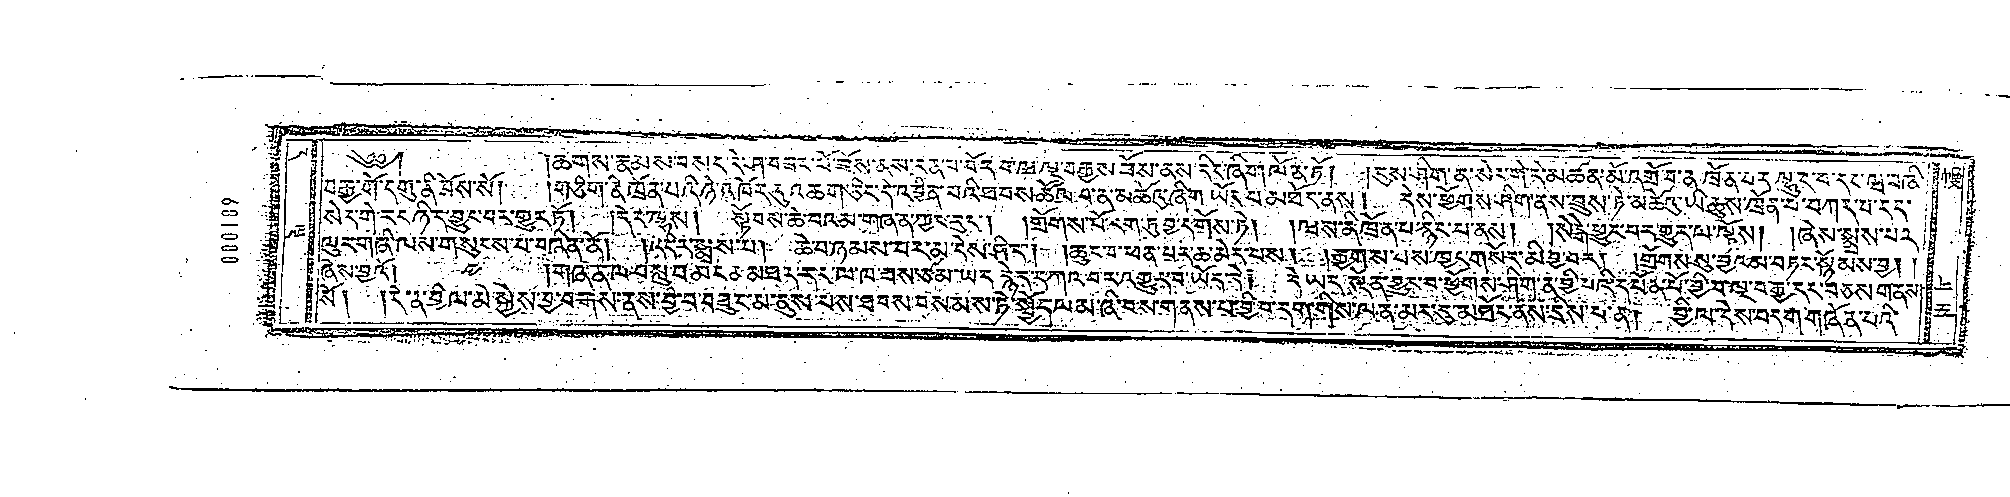༄༅། །ཆགས་རྣམས་བསད་དེ་ཤ་བཟང་པོ་ཟོས་ནས་ངན་བ་པོར་བ་ལ་ལྔ་བརྒྱས་ཟོས་ནས་དིང་ཞིག་ལོན་ཏོ། །དུས་ཤིག་ན་སེང་གེ་དེ་མཚན་མོ་འགྲོ་བ་ན་ཁྲོན་པར་ལྷུང་བ་དང་ཝ་བཞི་
བརྒྱ་གོ་དགུ་ནི་བྲོས་སོ། །གཅིག་ནི་ཁྲོན་པའི་ཉེ་འཁོར་དུ་འཆག་ཅིང་དེ་འབྱིན་པའི་ཐབས་ཚོལ་བ་ན་མཚོའུ་དུ་ཞིག་ཡོང་བ་མཐོང་ནས། དེས་ཕྱོགས་ཤིག་ནས་བྲུས་ཏེ་མཚེའུ་ཡི་ཆུས་ཁྲོན་པ་བཀད་པ་དད་
སེང་གེ་རང་ཉིད་བྱུང་བར་གྱུར་ཏོ། །དེར་ལྷས། སྟོབས་ཆེ་བའམ་གཞན་ཀྱང་རུང་། །གྲོགས་པོ་དག་ཏུ་བྱ་དགོས་ཏེ། །ཝས་ནི་ཁྲོན་པ་རྙིང་པ་ནས། །སེངྒེ་ཕྱུང་བར་གྱུར་ལ་ལྟོས། །ཞེས་སྨྲས་པར་
ལུང་གཞི་ལས་གསུངས་པ་བཞིན་ནོ། །འདིར་སྨྲས་པ། ཆེ་བ་ཉམས་པར་མ་དེས་ཤིང་། །ཆུད་པ་ཕན་བར་ཆ་མེད་པས། །རྒྱགས་པས་ཁྱད་གསོད་མི་བྱ་བར། །གྲོགས་སུ་བྱའམ་བཏང་སྙོམས་བྱ། །
ཞེས་བྱའོ། ༧་།གཞན་ལ་བསླུ་བ་མེད་ན་མཐར་རང་ལ་ཁ་ཟས་ཙམ་ཡང་རྙེད་དཀའ་བར་འབྱུང་བ་ཡོད་དེ། དེ་ཡང་སྔོན་བྱུང་བ་ཕྱོགས་ཤིག་ན་བྱི་པའི་དཔོན་པོ་བྱི་བ་ལྔ་བརྒྱ་དང་བཅས་གནས་
སོ། །དེ་ན་བྱི་ལ་མེ་སྐྱེས་བྱ་བ་རྒས་ནས་བྱི་བ་བཟུང་མ་ནུས་པས་ཐབས་བསམས་ཏེ་སྤྱོད་ལམ་ཞི་བས་གནས་པ་བྱི་བ་དག་གིས་ལན་མང་དུ་མཐོང་ནས་དྲིས་པ་ན། བྱི་ལ་དེས་བདག་གཞོན་པའི་